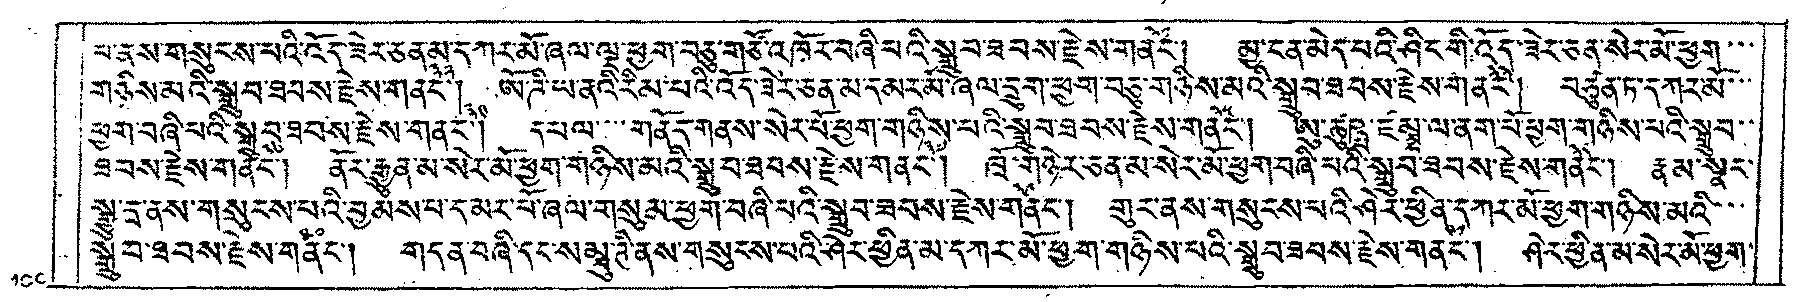པ་ནས་གསུངས་པའི་འོད་ཟེར་ཅན་མ་དཀར་མོ་ཞལ་ལྔ་ཕྱག་བཅུ་གཙོ་འཁོར་བཞི་བའི་སྒྲུབ་ཐབས་རྗེས་གནང ༣༡། མྱ་ངན་མེད་པའི་ཤིང་གི་འོད་ཟེར་ཅན་སེར་མོ་ཕྱག་
གཉིས་མའི་སྒྲུབ་ཐབས་རྗེས་གནང ༣༢། ཨོ་ཌི་ཡ་ནའི་རིམ་པའི་འོད་ཟེར་ཅན་མ་དམར་མོ་ཞལ་དྲུག་ཕྱག་བཅུ་གཉིས་མའི་སྒྲུབ་པོ་ཕྱག་གཉིས་པའི་སྒྲུབ་ཐབས་རྗེས་གནང ༣༥། ཨུ་ཚུཥྤ་
ཕྱག་བཞི་པའི་སྒྲུབ་ཐབས་རྗེས་གནང ༣༤། དཔལ་གནོད་གནས་སེར་པོ་ཕྱག་གཉིས་པའི་སྒྲུབ་ཐབས་རྗེས་གནང ༣༥། ཨུ་ཚུཥྤ་ཛམྦྷ་ལ་ནག་པོ་ཕྱག་གཉིས་པའི་སྒྲུབ་
ཐབས་རྗེས་གནང ༣༦། ནོར་རྒྱུན་མ་སེར་མོ་ཕྱག་གཉིས་མའི་སྒྲུབ་ཐབས་རྗེས་གནང ༣༧། ཁྲོ་གཉེར་ཅན་མ་སེར་མོ་ཕྱག་བཞི་པའི་སྒྲུབ་ཐབས་རྗེས་གནང ༣༨། རྣམ་སྣང་
སྒྱུ་དྲ་ནས་གསུངས་པའི་བྱམས་པ་དམར་པོ་ཞལ་གསུམ་ཕྱག་བཞི་པའི་སྒྲུབ་ཐབས་རྗེས་གནང ༣༩། གུར་ནས་གསུངས་པའི་ཤེར་ཕྱིན་དཀར་མོ་ཕྱག་གཉིས་མའི་
སྒྲུབ་ཐབས་རྗེས་གནང ༤༠། གདན་བཞི་དང་སམྦུ་ཊི་ནས་གསུངས་པའི་ཤེར་ཕྱིན་མ་དཀར་མོ་ཕྱག་གཉིས་པའི་སྒྲུབ་ཐབས་རྗེས་གནང ༤༡། ཤེར་ཕྱིན་མ་སེར་མོ་ཕྱག་